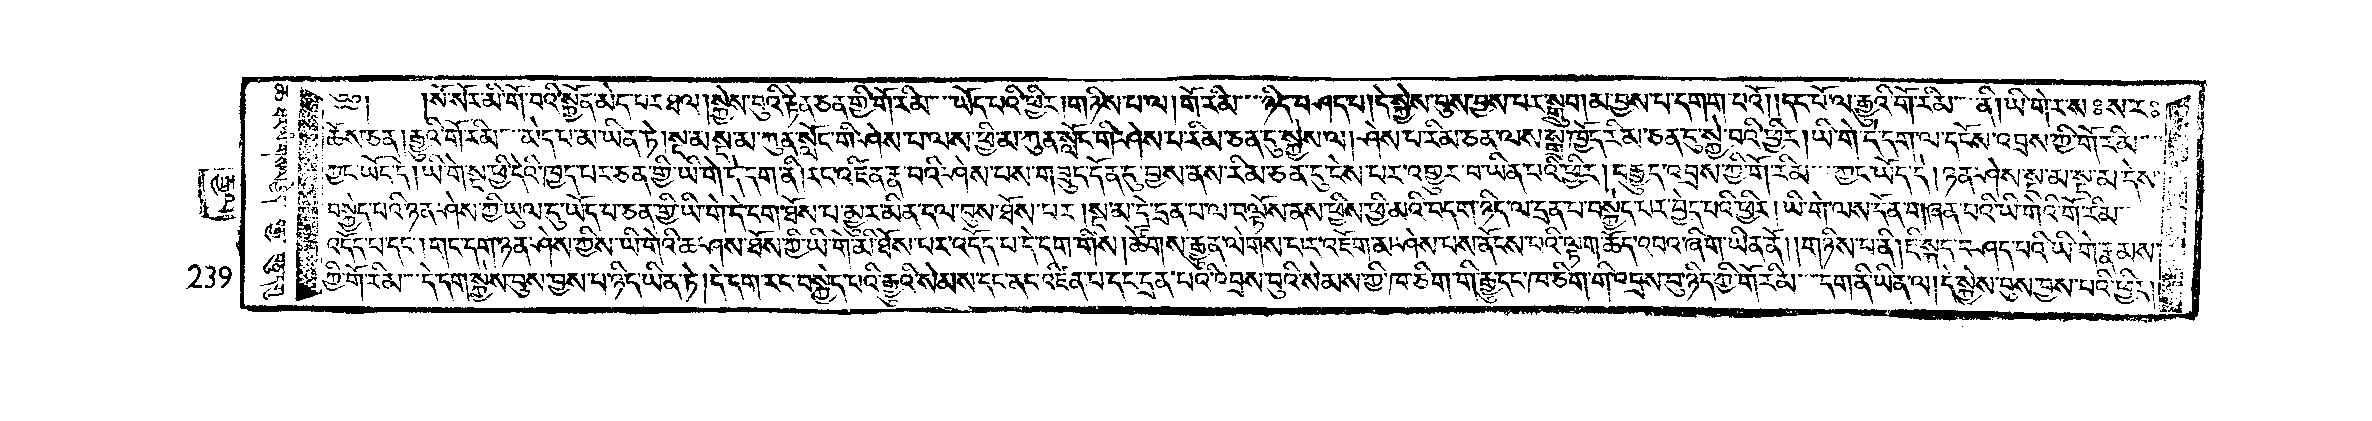༄༅། །སོ་སོར་མི་གོ་བའི་སྐྱོན་མེད་པར་ཐལ། སྐྱེས་བུའི་རྟེན་ཅན་གྱི་གོ་རིམ་ཡོད་པའི་ཕྱིར། གཉིས་པ་ལ། གོ་རིམ་ཉིད་བཤད་པ། དེ་སྐྱེས་བུས་བྱས་པར་སྒྲུབ། མ་བྱས་པ་དགག་པའོ། །དང་པོ་ལ་རྒྱུའི་གོ་རིམ་ནི། ཡི་གེ་ར་སཿ ས་རཿ
ཆོས་ཅན། རྒྱུའི་གོ་རིམ་མེད་པ་མ་ཡིན་ཏེ། སྔ་མ་སྔ་མ་ཀུན་སློང་གི་ཤེས་པ་ལས་ཕྱི་མ་ཀུན་སློང་གི་ཤེས་པ་རིམ་ཅན་དུ་སྐྱེས་ལ། ཤེས་པ་རིམ་ཅན་ལས་སྒྲ་ཁྱོད་རིམ་ཅན་དུ་སྐྱེ་བའི་ཕྱིར། ཡི་གེ་དེ་དག་ལ་དངོས་འབྲས་ཀྱི་གོ་རིམ་
ཀྱང་ཡོད་དེ། ཡི་གེ་སྔ་ཕྱི་དེའི་ཁྱད་པར་ཅན་གྱི་ཡི་གེ་དེ་དག་ནི། རང་འཛིན་རྣ་བའི་ཤེས་པས་གཟུང་དོན་དུ་བྱས་ནས་རིམ་ཅན་དུ་ངེས་པར་འགྱུར་བ་ཡིན་པའི་ཕྱིར། བརྒྱུད་འབྲས་ཀྱི་གོ་རིམ་ཀྱང་ཡོད་དེ། ཉན་ཤེས་སྔ་མ་སྔ་མ་དེས་
བསྐྱེད་པའི་ཉན་ཤེས་ཀྱི་ཡུལ་དུ་ཡོད་པ་ཅན་གྱི་ཡི་གེ་དེ་དག་ཐོས་པ་མྱུར་མིན་དལ་བུས་ཐོས་པར། སྔ་མ་དེ་དྲན་པ་ལ་བལྟོས་ནས་ཕྱིས་ཕྱི་མའི་བདག་ཉིད་ལ་དྲན་པ་བསྐྱེད་པར་བྱེད་པའི་ཕྱིར། ཡི་གེ་ལས་དོན་གཞན་པའི་ཡི་གེའི་གོ་རིམ་
འདོད་པ་དང་། གང་དག་ཉན་ཤེས་ཀྱིས་ཡི་གེའི་ཆ་ཤས་ཐོས་ཀྱི་ཡི་གེ་མི་ཐོས་པར་འདོད་པ་དེ་དག་གིས། ཚོགས་རྒྱུན་ལེགས་པར་འཇོག་མ་ཤེས་པས་ནོངས་པའི་ལྟག་ཆོད་འབའ་ཞིག་ཡིན་ནོ། །གཉིས་པ་ནི། ཇི་སྐད་བཤད་པའི་ཡི་གེ་རྣམས་
ཀྱི་གོ་རིམ་དེ་དག་སྐྱེས་བུས་བྱས་པ་ཉིད་ཡིན་ཏེ། དེ་དག་རང་བསྐྱེད་པའི་རྒྱུའི་སེམས་དང་ནང་འཛིན་པ་དང་དྲན་པའི་འབྲས་བུའི་སེམས་ཀྱི་ཁ་ཅིག་གི་རྒྱུ་དང་ཁ་ཅིག་གི་འབྲས་བུ་ཉིད་ཀྱི་གོ་རིམ་དག་ནི་ཡིན་ལ། དེ་སྐྱེས་བུས་བྱས་པའི་ཕྱིར།